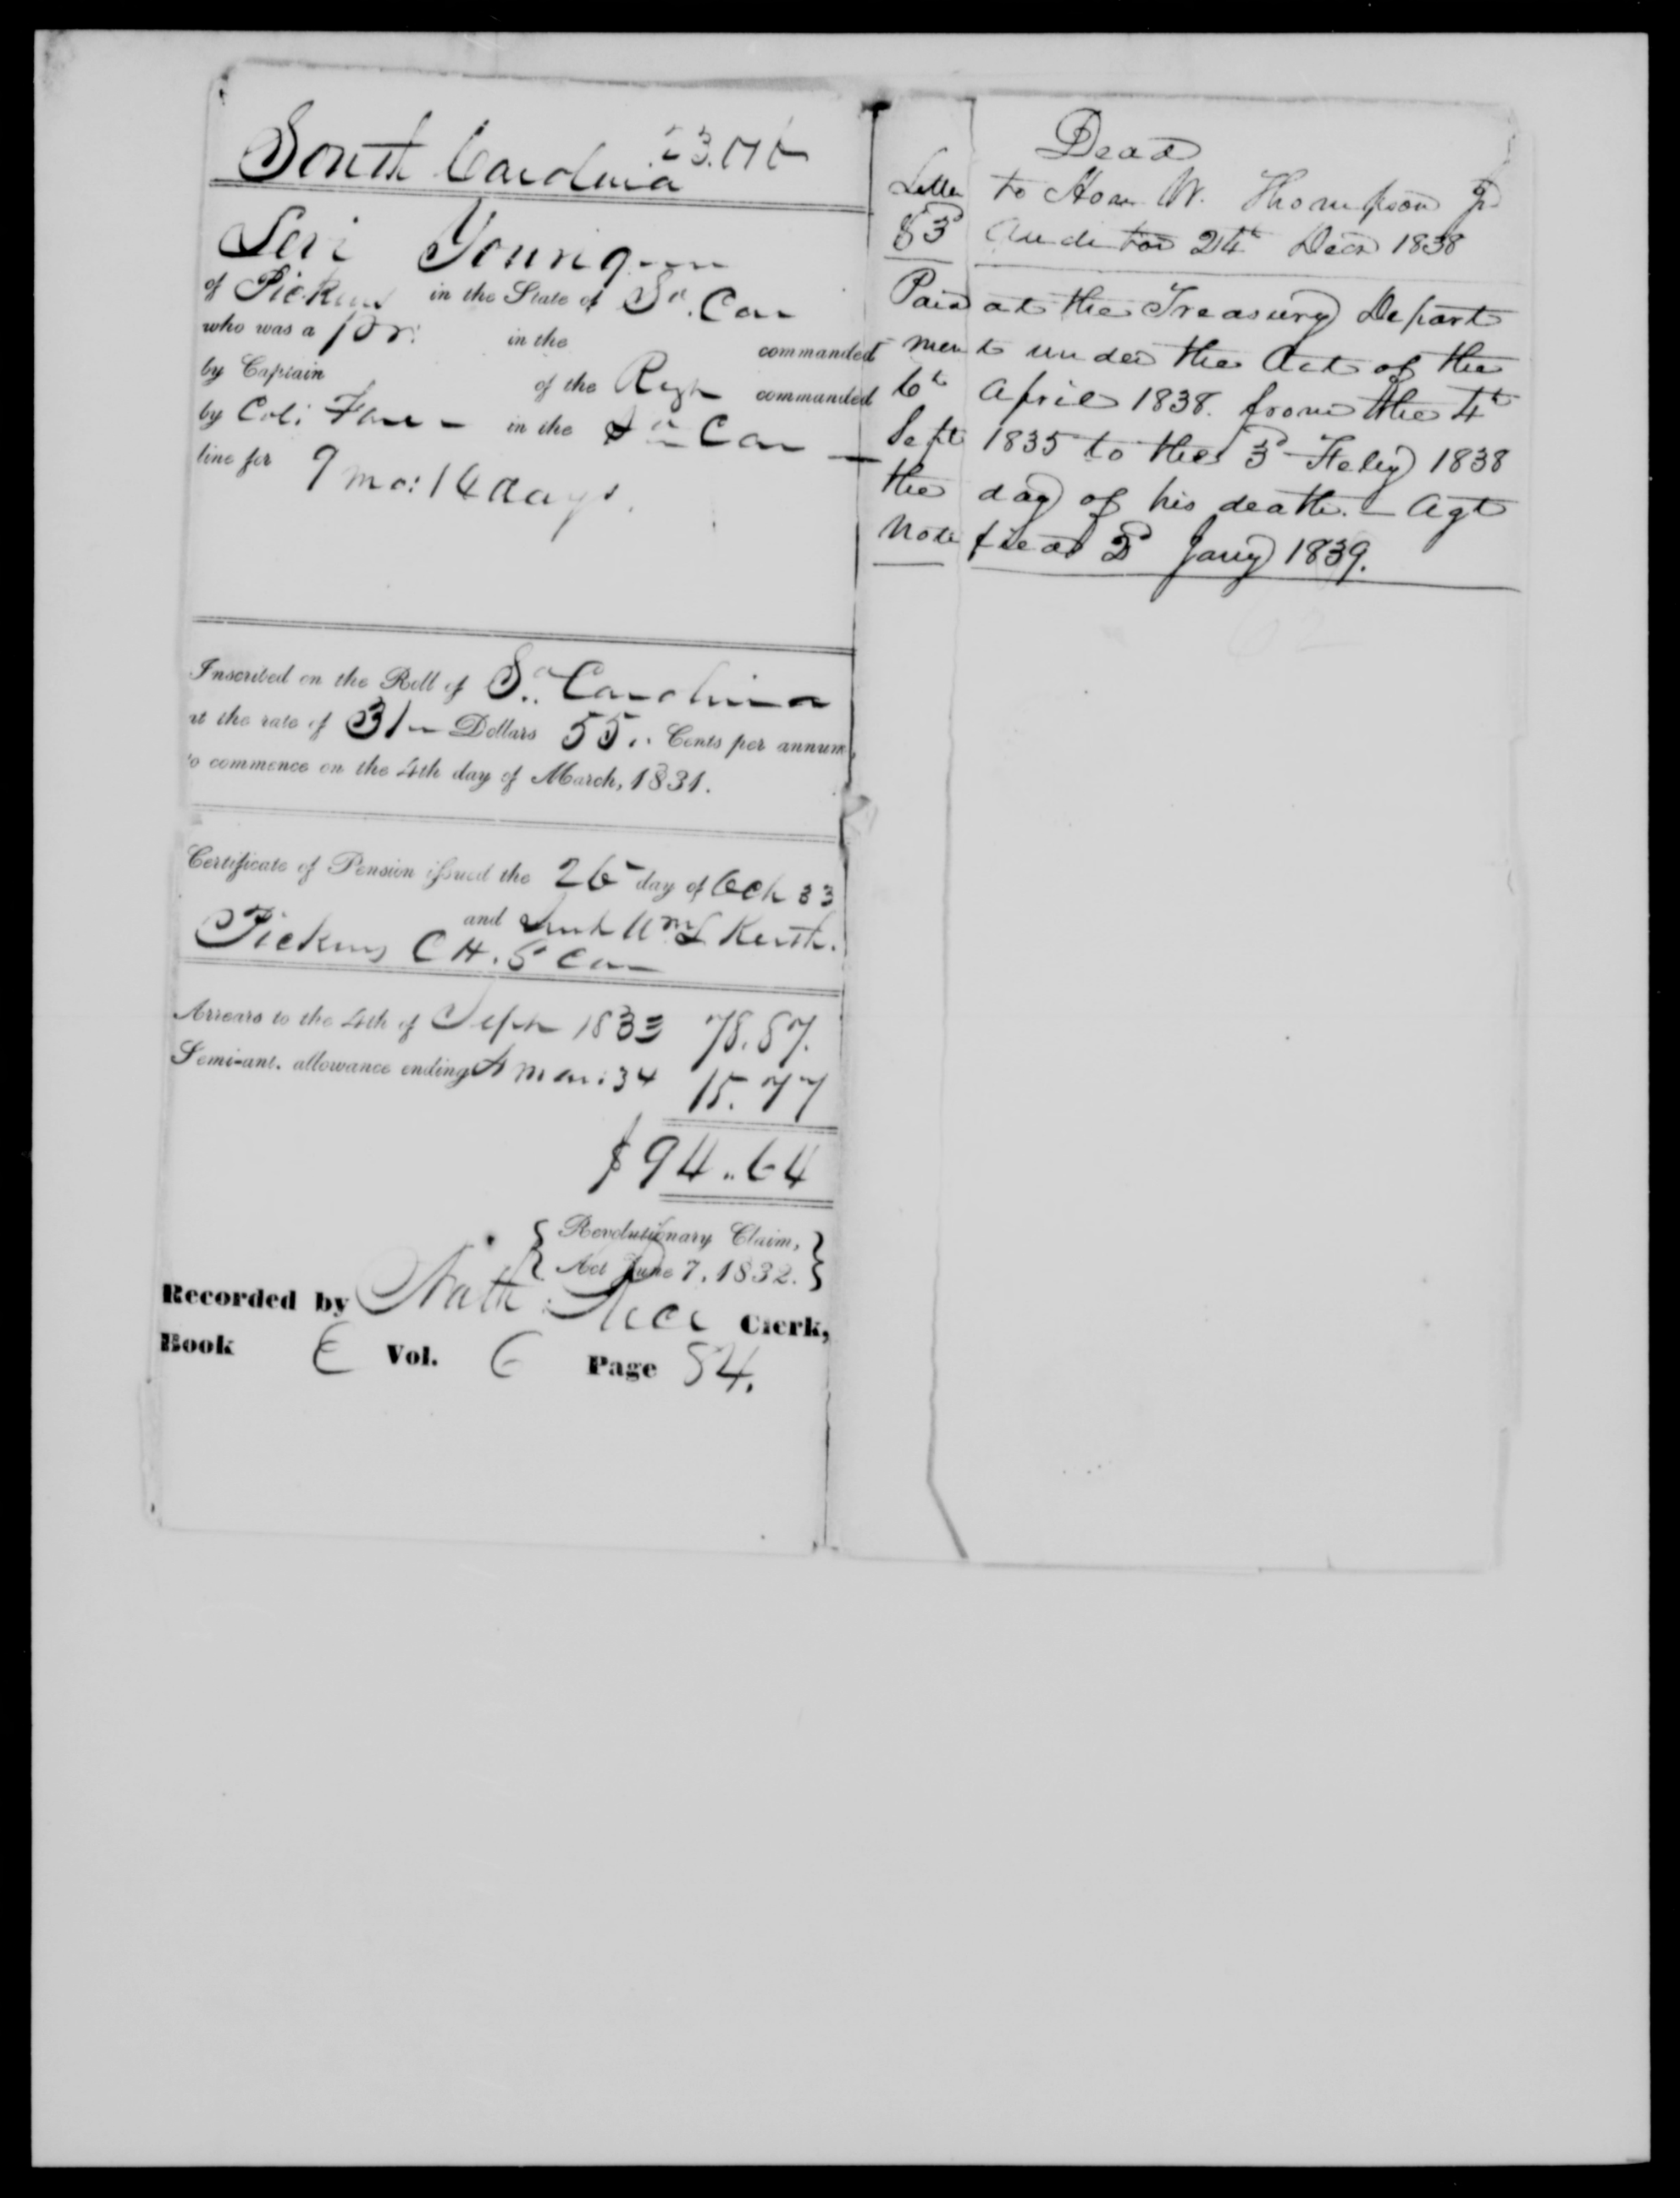(Left Page of Certificate)

South Carolina 23.176
Levi Young
of Pickens in the State of So. Car. [South Carolina]
who was a pr. [private] in the (blank) commanded
by Captain (blank) of the Regt. [regiment] commanded
by Col. Farr in the So. Car. [South Carolina]
line for 9 mo: [months] 14 days.

Inscribed on the Roll of S. [South] Carolina
at the rate of 31. Dollars 55.. Cents per annum
to commence on the 4th day of March, 1831.

Certificate of Pension issued the 26 day of Oct. 33 [1833]
and (?) Wm. [William] L. Keith.
Pickens CH. [Court House] So Ca [South Carolina]

Arrears to the 4th of Sept 1833 78.87
Semi-anl. [Semi-annual] allowance ending 4 Mar. 34 [1834] 15.77
$94.64

{Revolutionary Claim,}
{Act June 7, 1832}
Recorded by Nath: [Nathaniel] Rice Clerk,
Book E Vol. 6 Page 84.

(Right Page of Certificate)

Dead
Letter to Hon. [Honorable] W. [William] Thompson (?)
(?) Auditor 24th Decr [December] 1838
Paid at the Treasury Depart-
ment under the Act of the
6th April 1838 from the 4th
Sept 1835 to the 3 Feby [February] 1838
the day of his death. ___ Agt [Agent]
notified 2d Jany [January] 1839.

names: Fare, W Thompson, Levi Young, Wm L Keith, Nath Rice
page: 2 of 56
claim: widow's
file: W. 9040, Levi Young, Ga. New Jersey S.C.